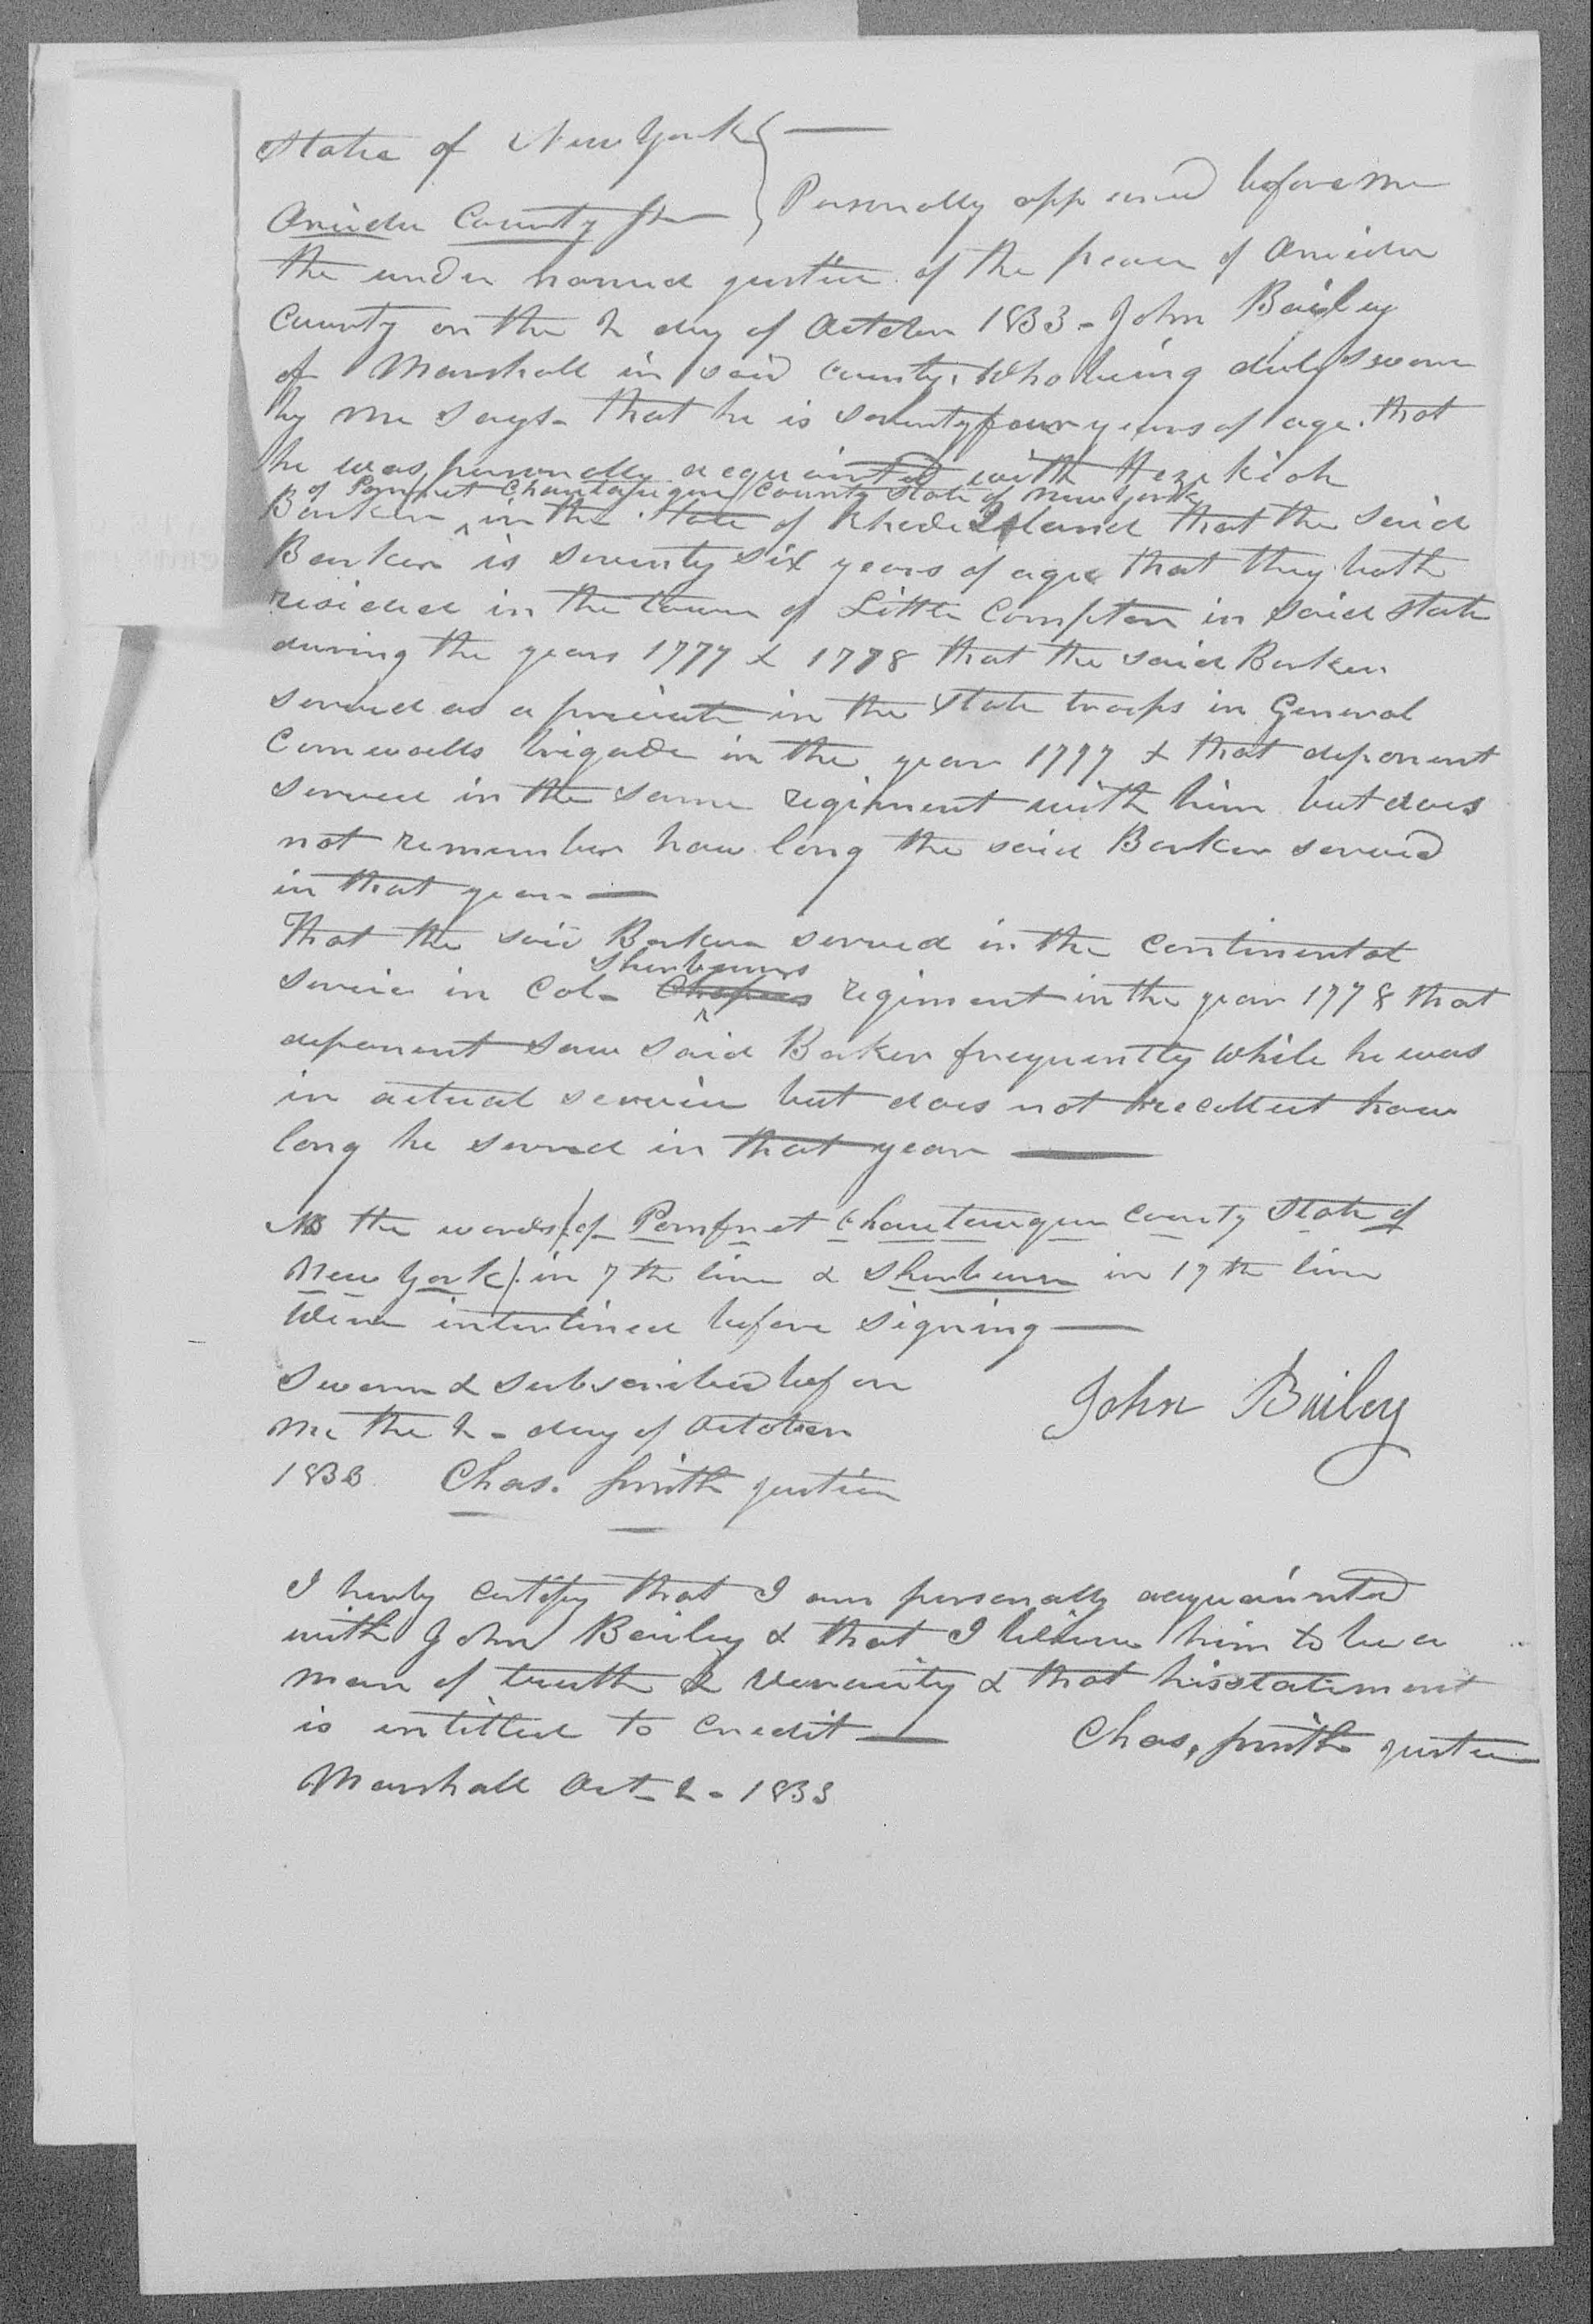State of New York Oneida County Ss. Personally appeared before me the under named Justice of the peace of Oneida County on the 2 day of October 1833 John Bailey of Marshall in said county, who being duly sworn by me says that he is seventy four years of age, that he was personally acquainted with Hezekiah Barker of Pomfret Chautauqua County State of New York in the State of Rhode Island that the said Barker is seventy six years of age that they both resided in the town of Little Compton in said State during the years 1777 & 1778 that the said Barker served as private in the state troops in General Cornwall's brigade in the year 1777 & that deponent served in the same regiment with him but does not remember how long the said Barker served in that year. That he said Barker served in the Continental service in Col. Sherbourne's regiment in the year 1778 that deponent saw said Barker frequently while he was in actual service but does not recollect how long her served in that year. In the records of Pomfret Chautauqua County State of New York in 7th line & Sherbourn in 17th line were interlined before signing John Bailey Sworn & subscribed before me the 2 day of October 1833 Chas Smith Justice. I hereby certify that I am personally acquainted with John Bailey & that I believe him to be a man of truth & veracity & that his statement is entitled to credit. Chas Smith Justice Marshall Oct. 2. 1833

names: Chas Smith, Barker, John Bailey, Chas Smith, John Bayley, Barker, Hezekiah Barker, Barker, Barker, Barker, John Bailey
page: 47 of 52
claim: widow's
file: W. 18,565, Hezekiah Barker, Continental R.I.